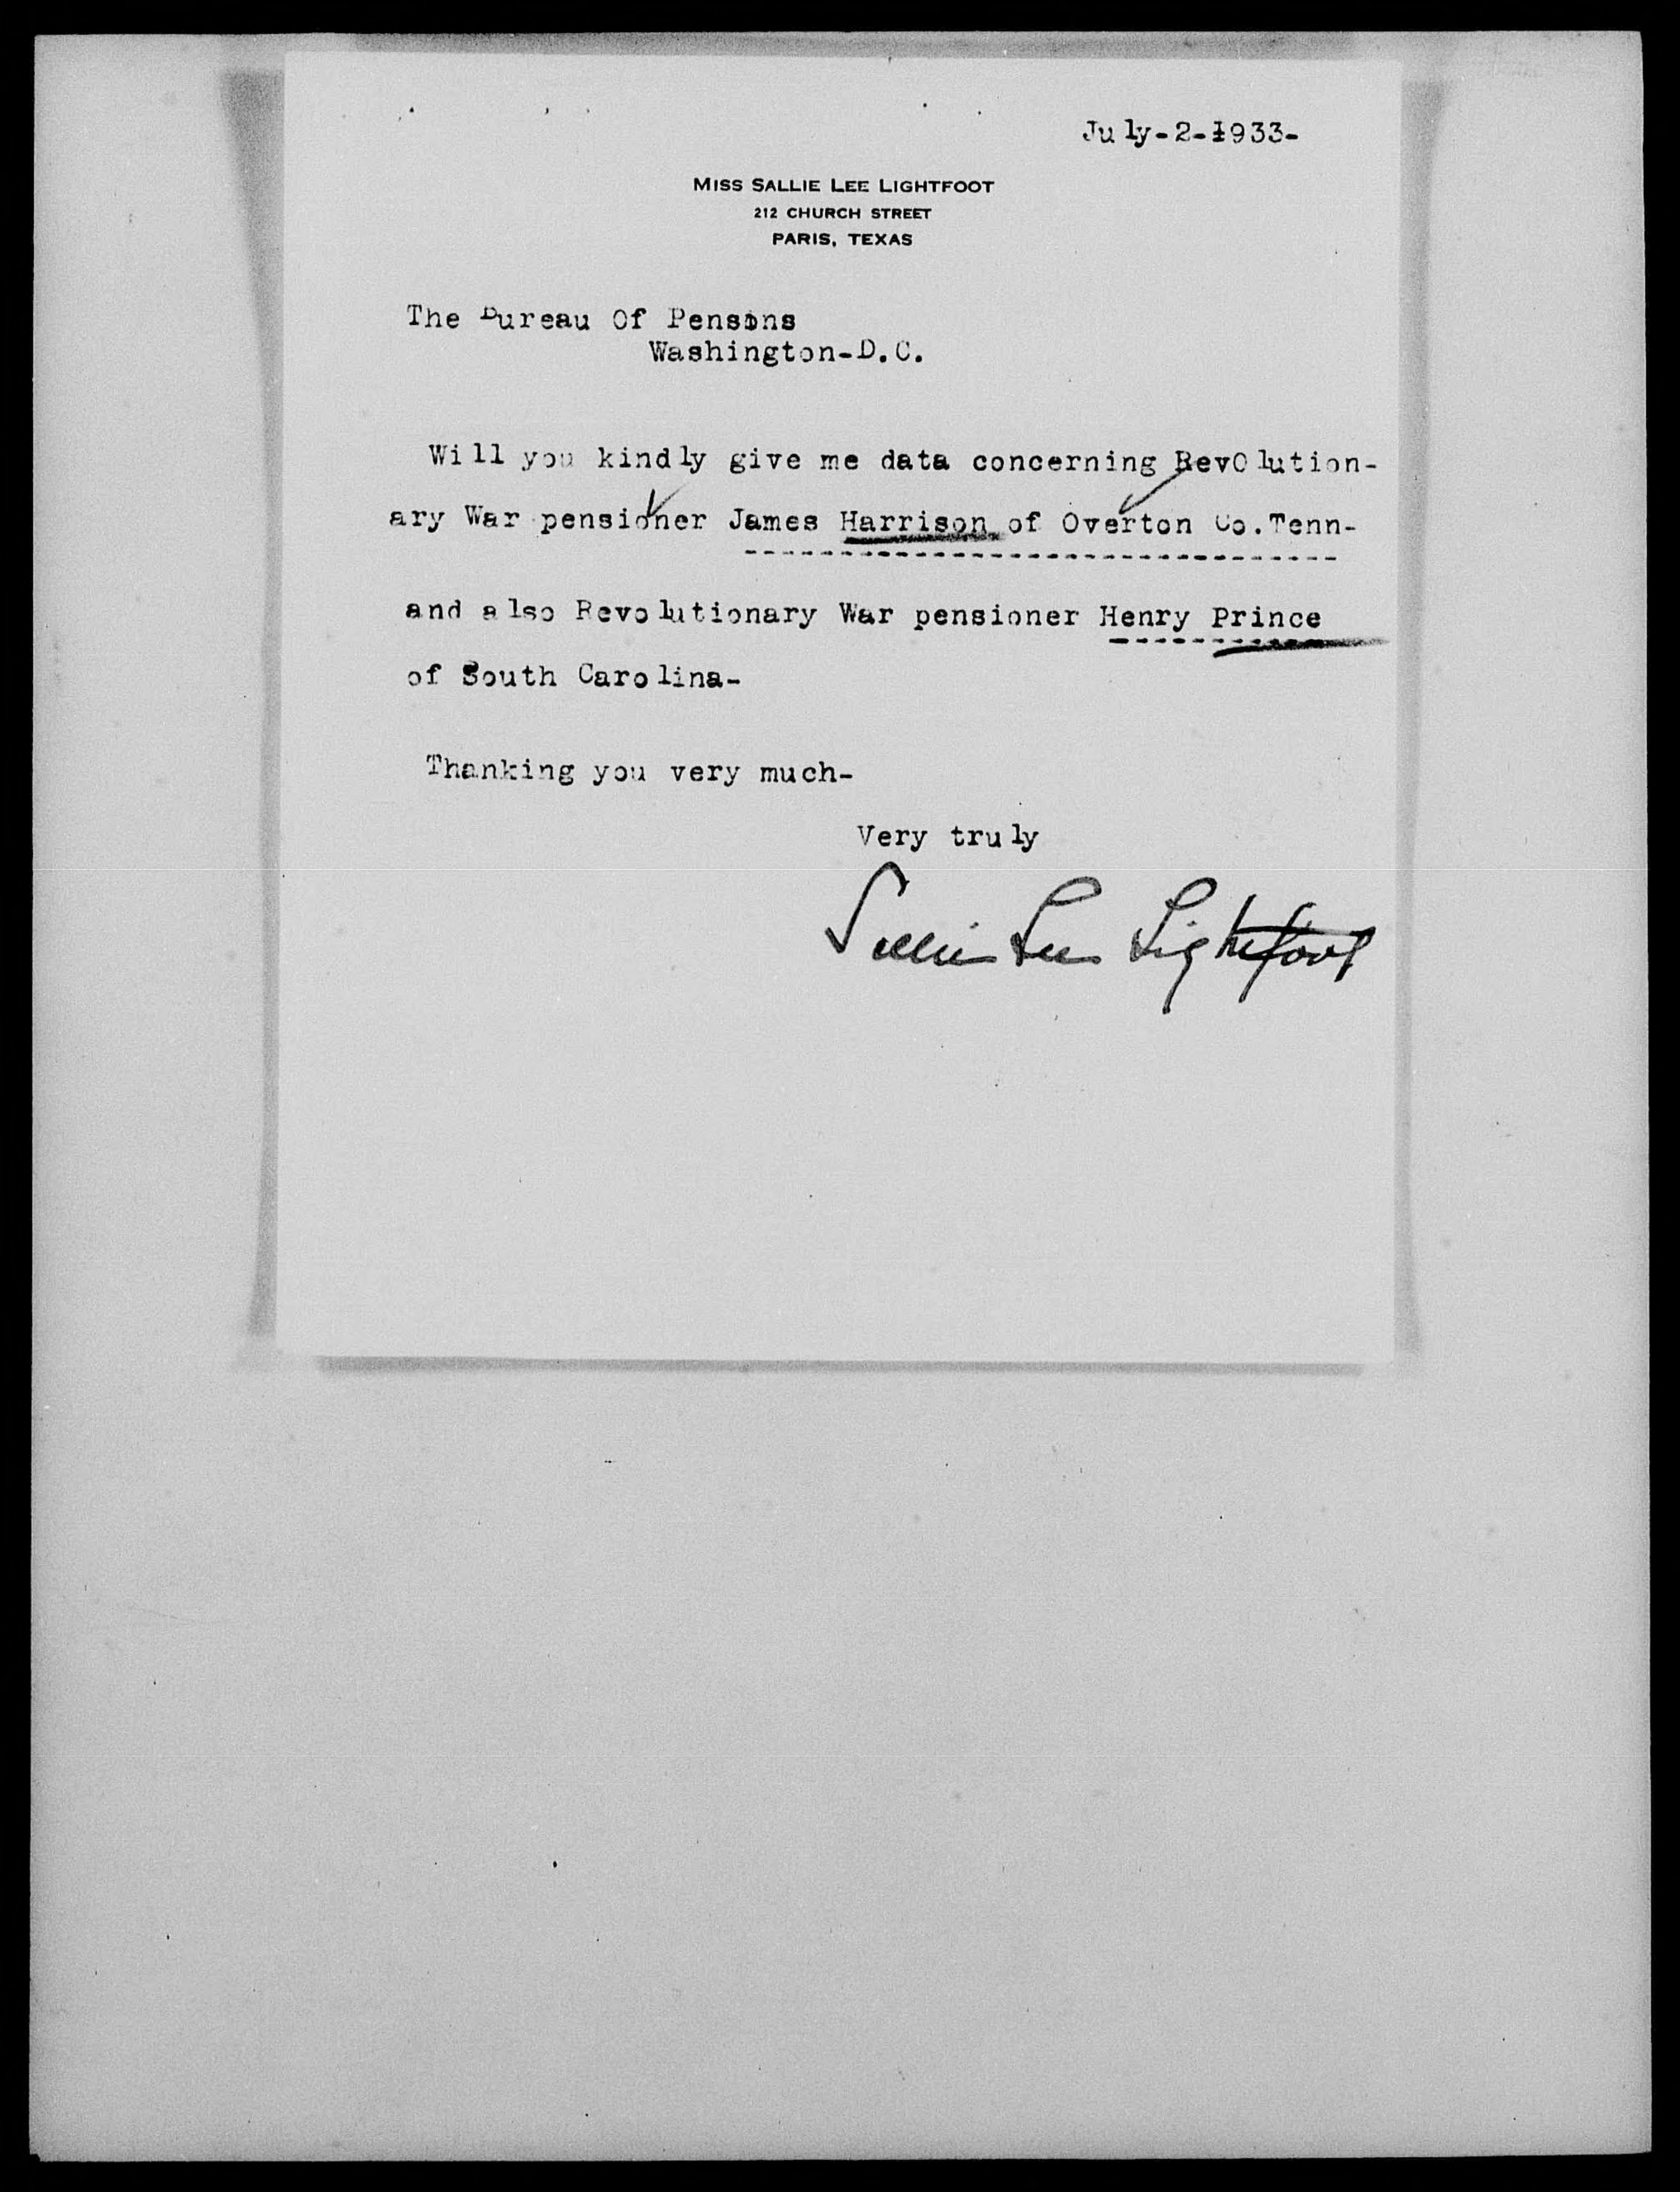July 2, 1933

Miss Sallie Lee Lightfoot
212 Church Street
Paris, Texas

Th Bureau of Pensions
Washington DC

Will you kindly give me data concerning Revolutionary War Pensioner James Harrison of Overton Co. Tenn - and also Revolutionary War pensioner Henry Price of South Carolina.
Thanking you very much,
Very truly,
Sallie Lee Lightfoot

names: Sallie Lee Lightfoot; James Harrison; Henry Prince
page: 9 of 23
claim: survivor's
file: S. 18,168, for Henry Prince, South Carolina